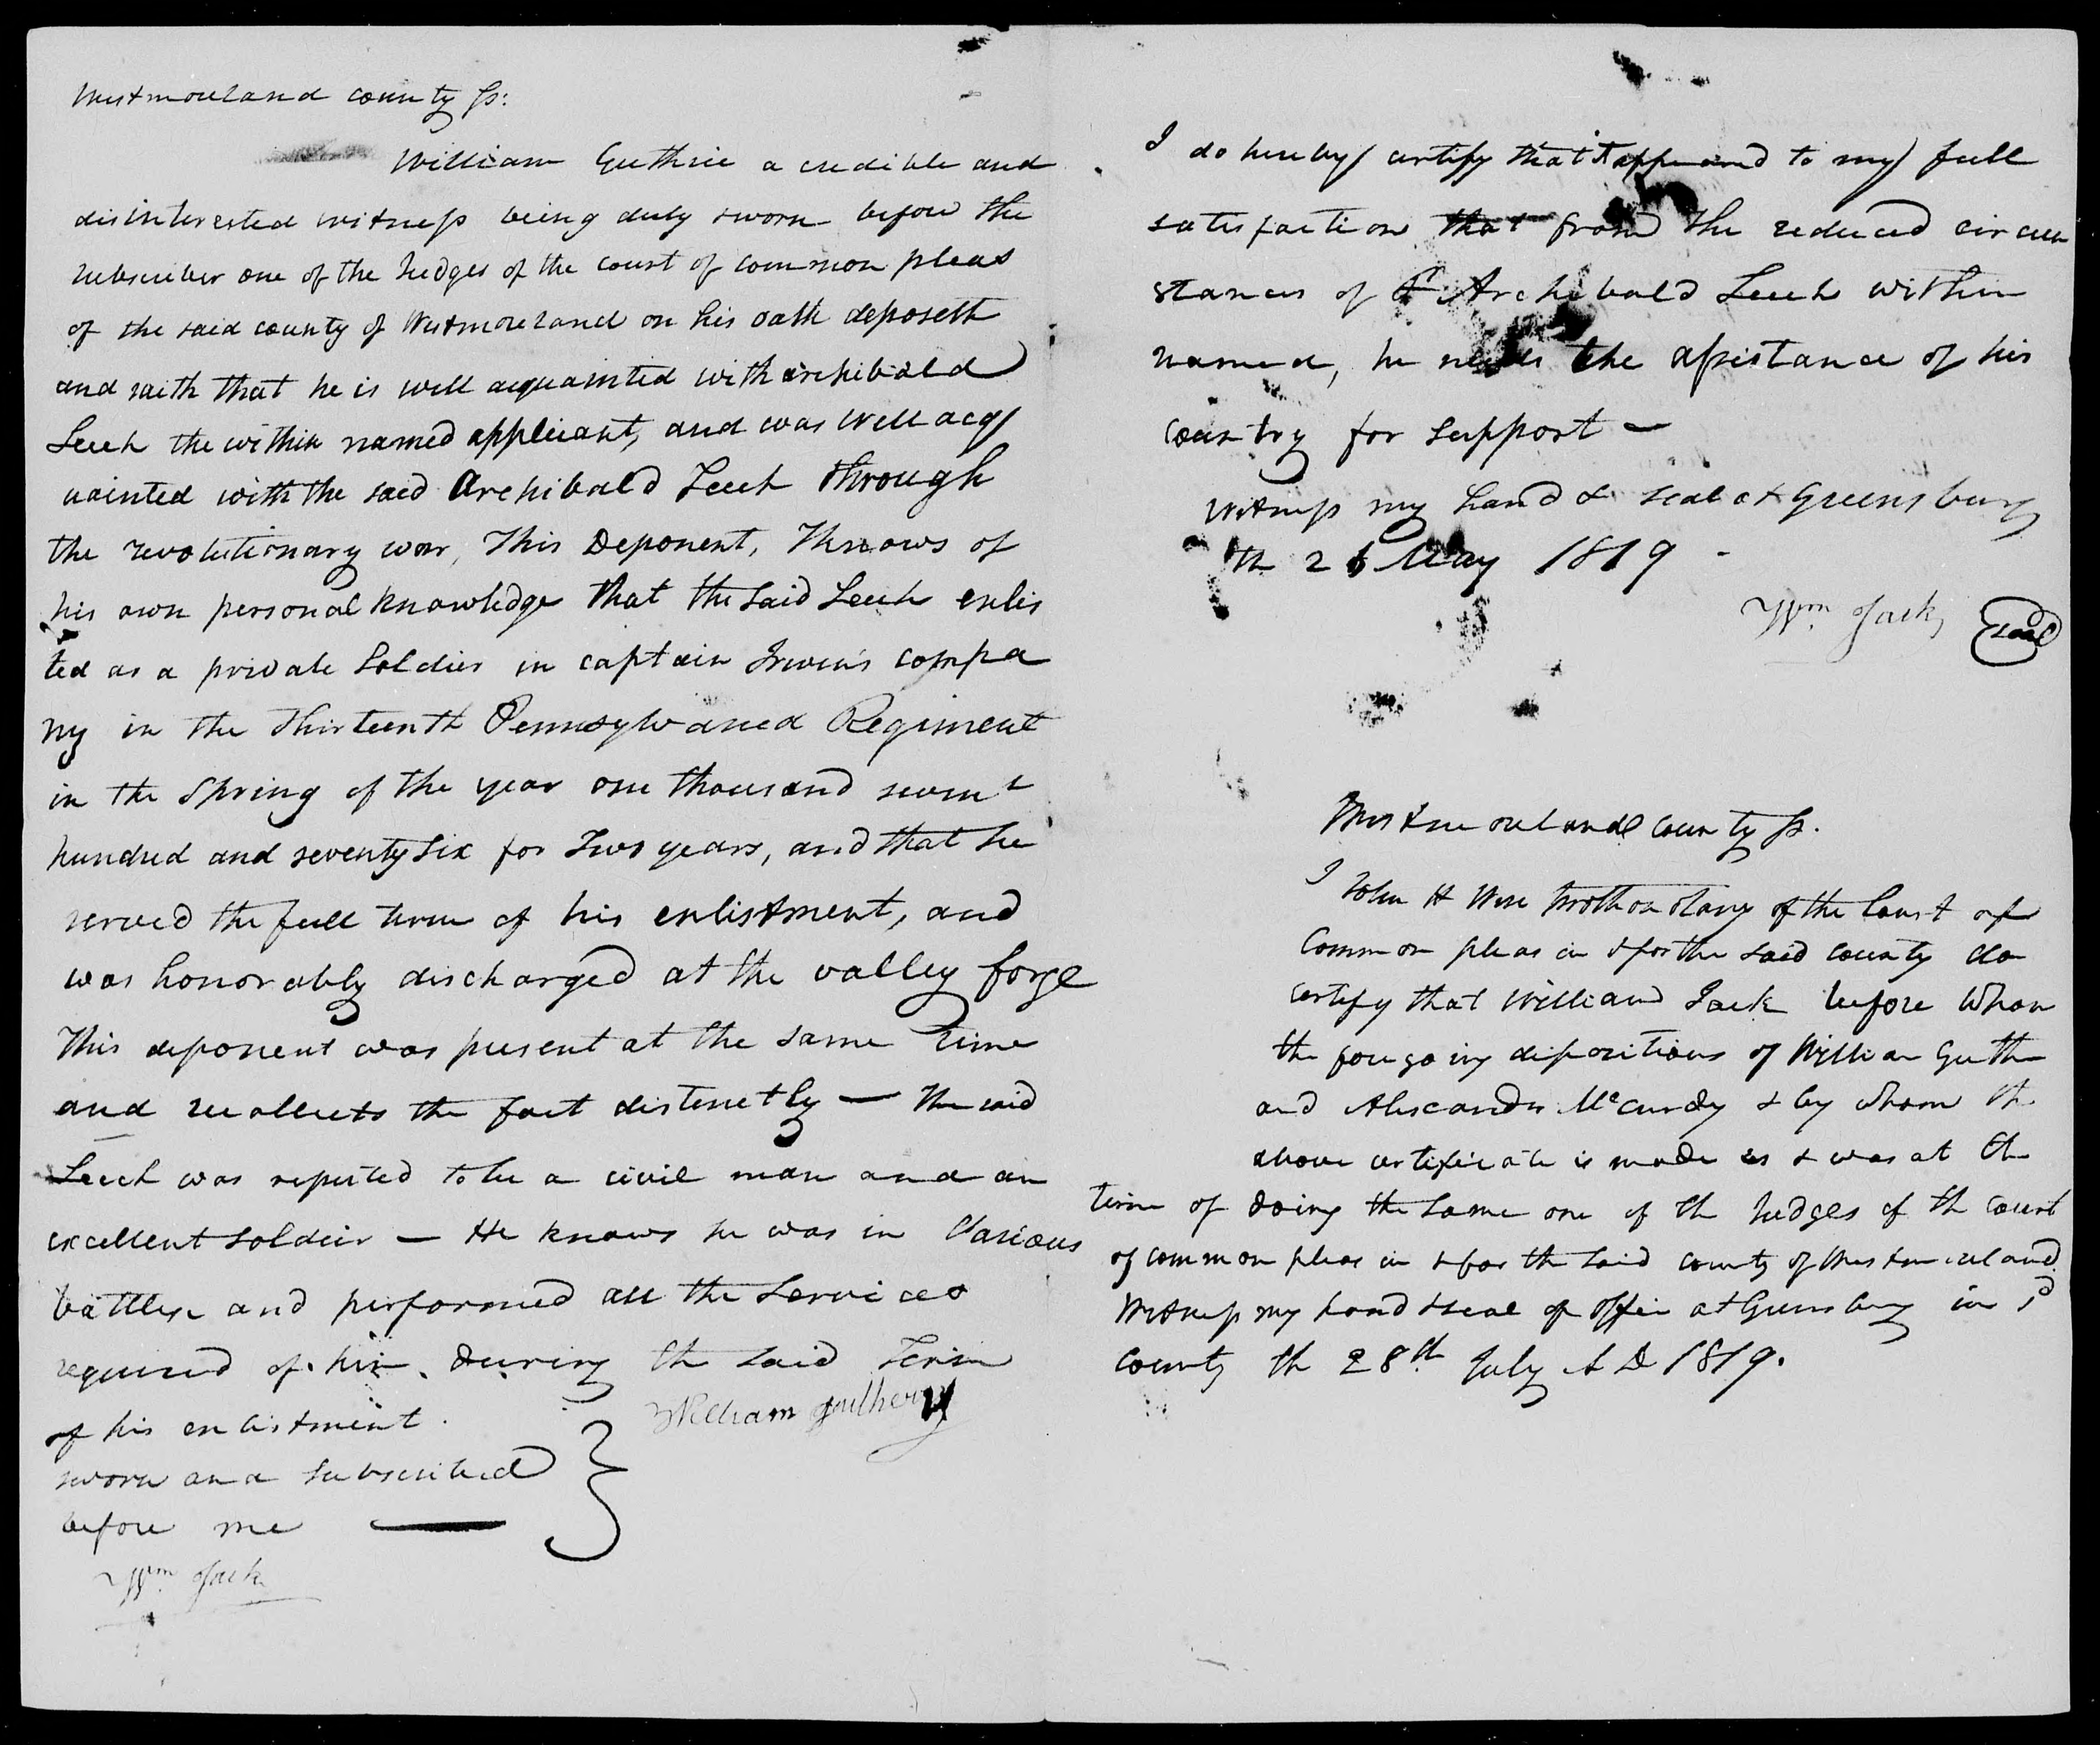Westmoreland County ss:
William Guthrie, a credible and disinterested witness being duly sworn before the subscriber, one of the Judges of the Court of Common Pleas of the said County of Westmoreland, on his oath deposeth and saith that he is well acquainted with Archibald Leech, the within named applicant, and was well acquainted with the said Archibald Leech through the revolutionary war. This Deponent knows of his own personal knowledge that the said Leech enlisted as a private Soldier in Captain Irvin's company in the Thirteenth Pennsylvania Regiment in the spring of the year one thousand seven hundred and seventy-six for two years, and that he served the full term of his enlistment, and was honorably discharged at the Valley Forge. This deponent was present at the same time and recollects the fact distinctly. The said Leech was reputed to be a civil man and an excellent soldier. He knows he was in various battles and performed all the services required of his during the said term of his enlistment.
William Guthrie
Sworn and subscribed before me
Wm Jack
I do hereby certify that it appeared to my full satisfaction that from the reduced circumstances of Archibald Leech within named, he needs the assistance of his county for support.
Witness my hand and seal at Greensburg the 26 May 1819
Wm Jack [Seal]
Westmoreland County ss:
I, John H. Wise, Prothonotary of the Court of Common Pleas in and for the said County, do certify that William Jack, before whom the foregoing depositions of William Guthrie and Alexander McCurdy and by whom the above certificate is made is and was at the time of doing the same, one of the Judges of the Court of Common Pleas in and for the said County of Westmoreland.
Witness my hand and seal of office at Greensburg in said County the 28th July AD 1819.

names: Archibald Leech; Alexander Mc Curdy; Wm Jack; William Guthrie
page: 19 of 20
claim: survivor's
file: S. 40,935, for Archibald Leech, Pennsylvania